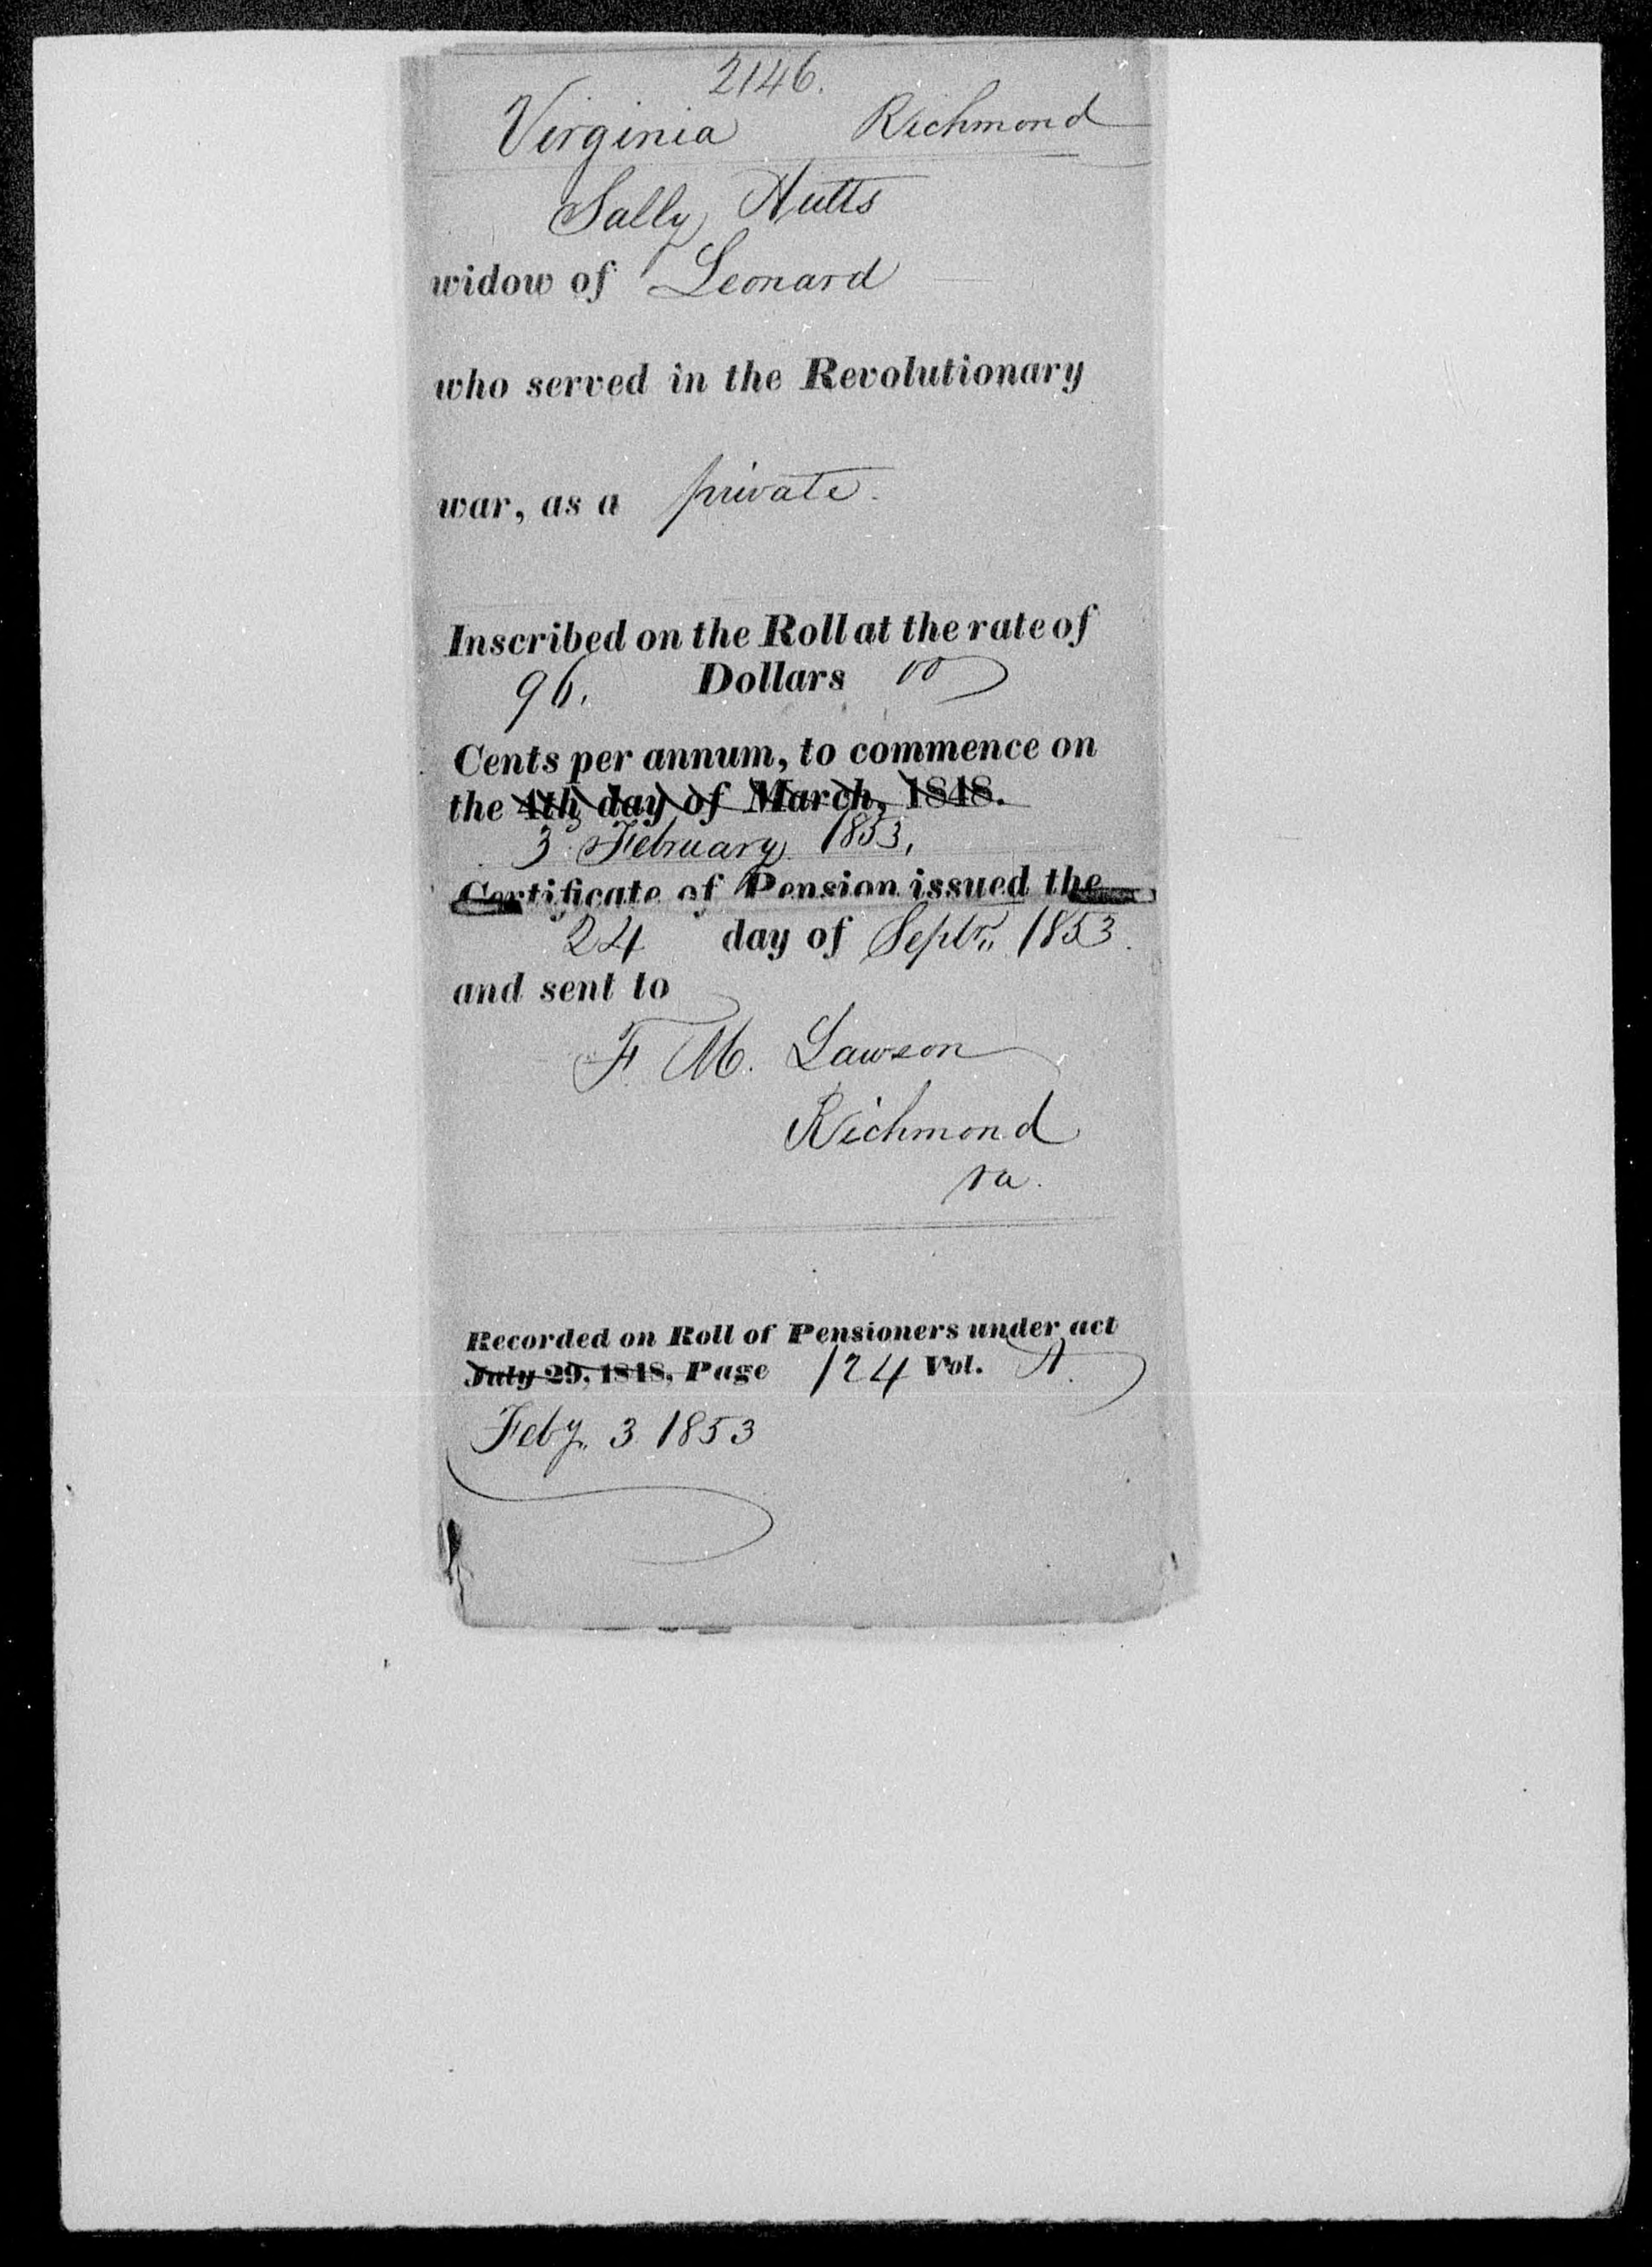[typed form, with handwritten responses]

2146
Virginia Richmond
Sally Nutts 
widow of Leonard 
who served in the Revolutionary 
war, as a private.
Inscribed on the Roll at the rate of
96. Dollars 00
Cents per annum, to commence on
3d February 1853
Certificate of Pension issued the
24 day of September 1853. 
and sent to F. M. Lawson
Richmond
Va

Recorded on Roll of Pensioners under act 
[date scratched out] Feby 3 1853 Page 124 Vol. A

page: 17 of 33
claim: widow's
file: W. 550, for Leonard Hutts, Virginia